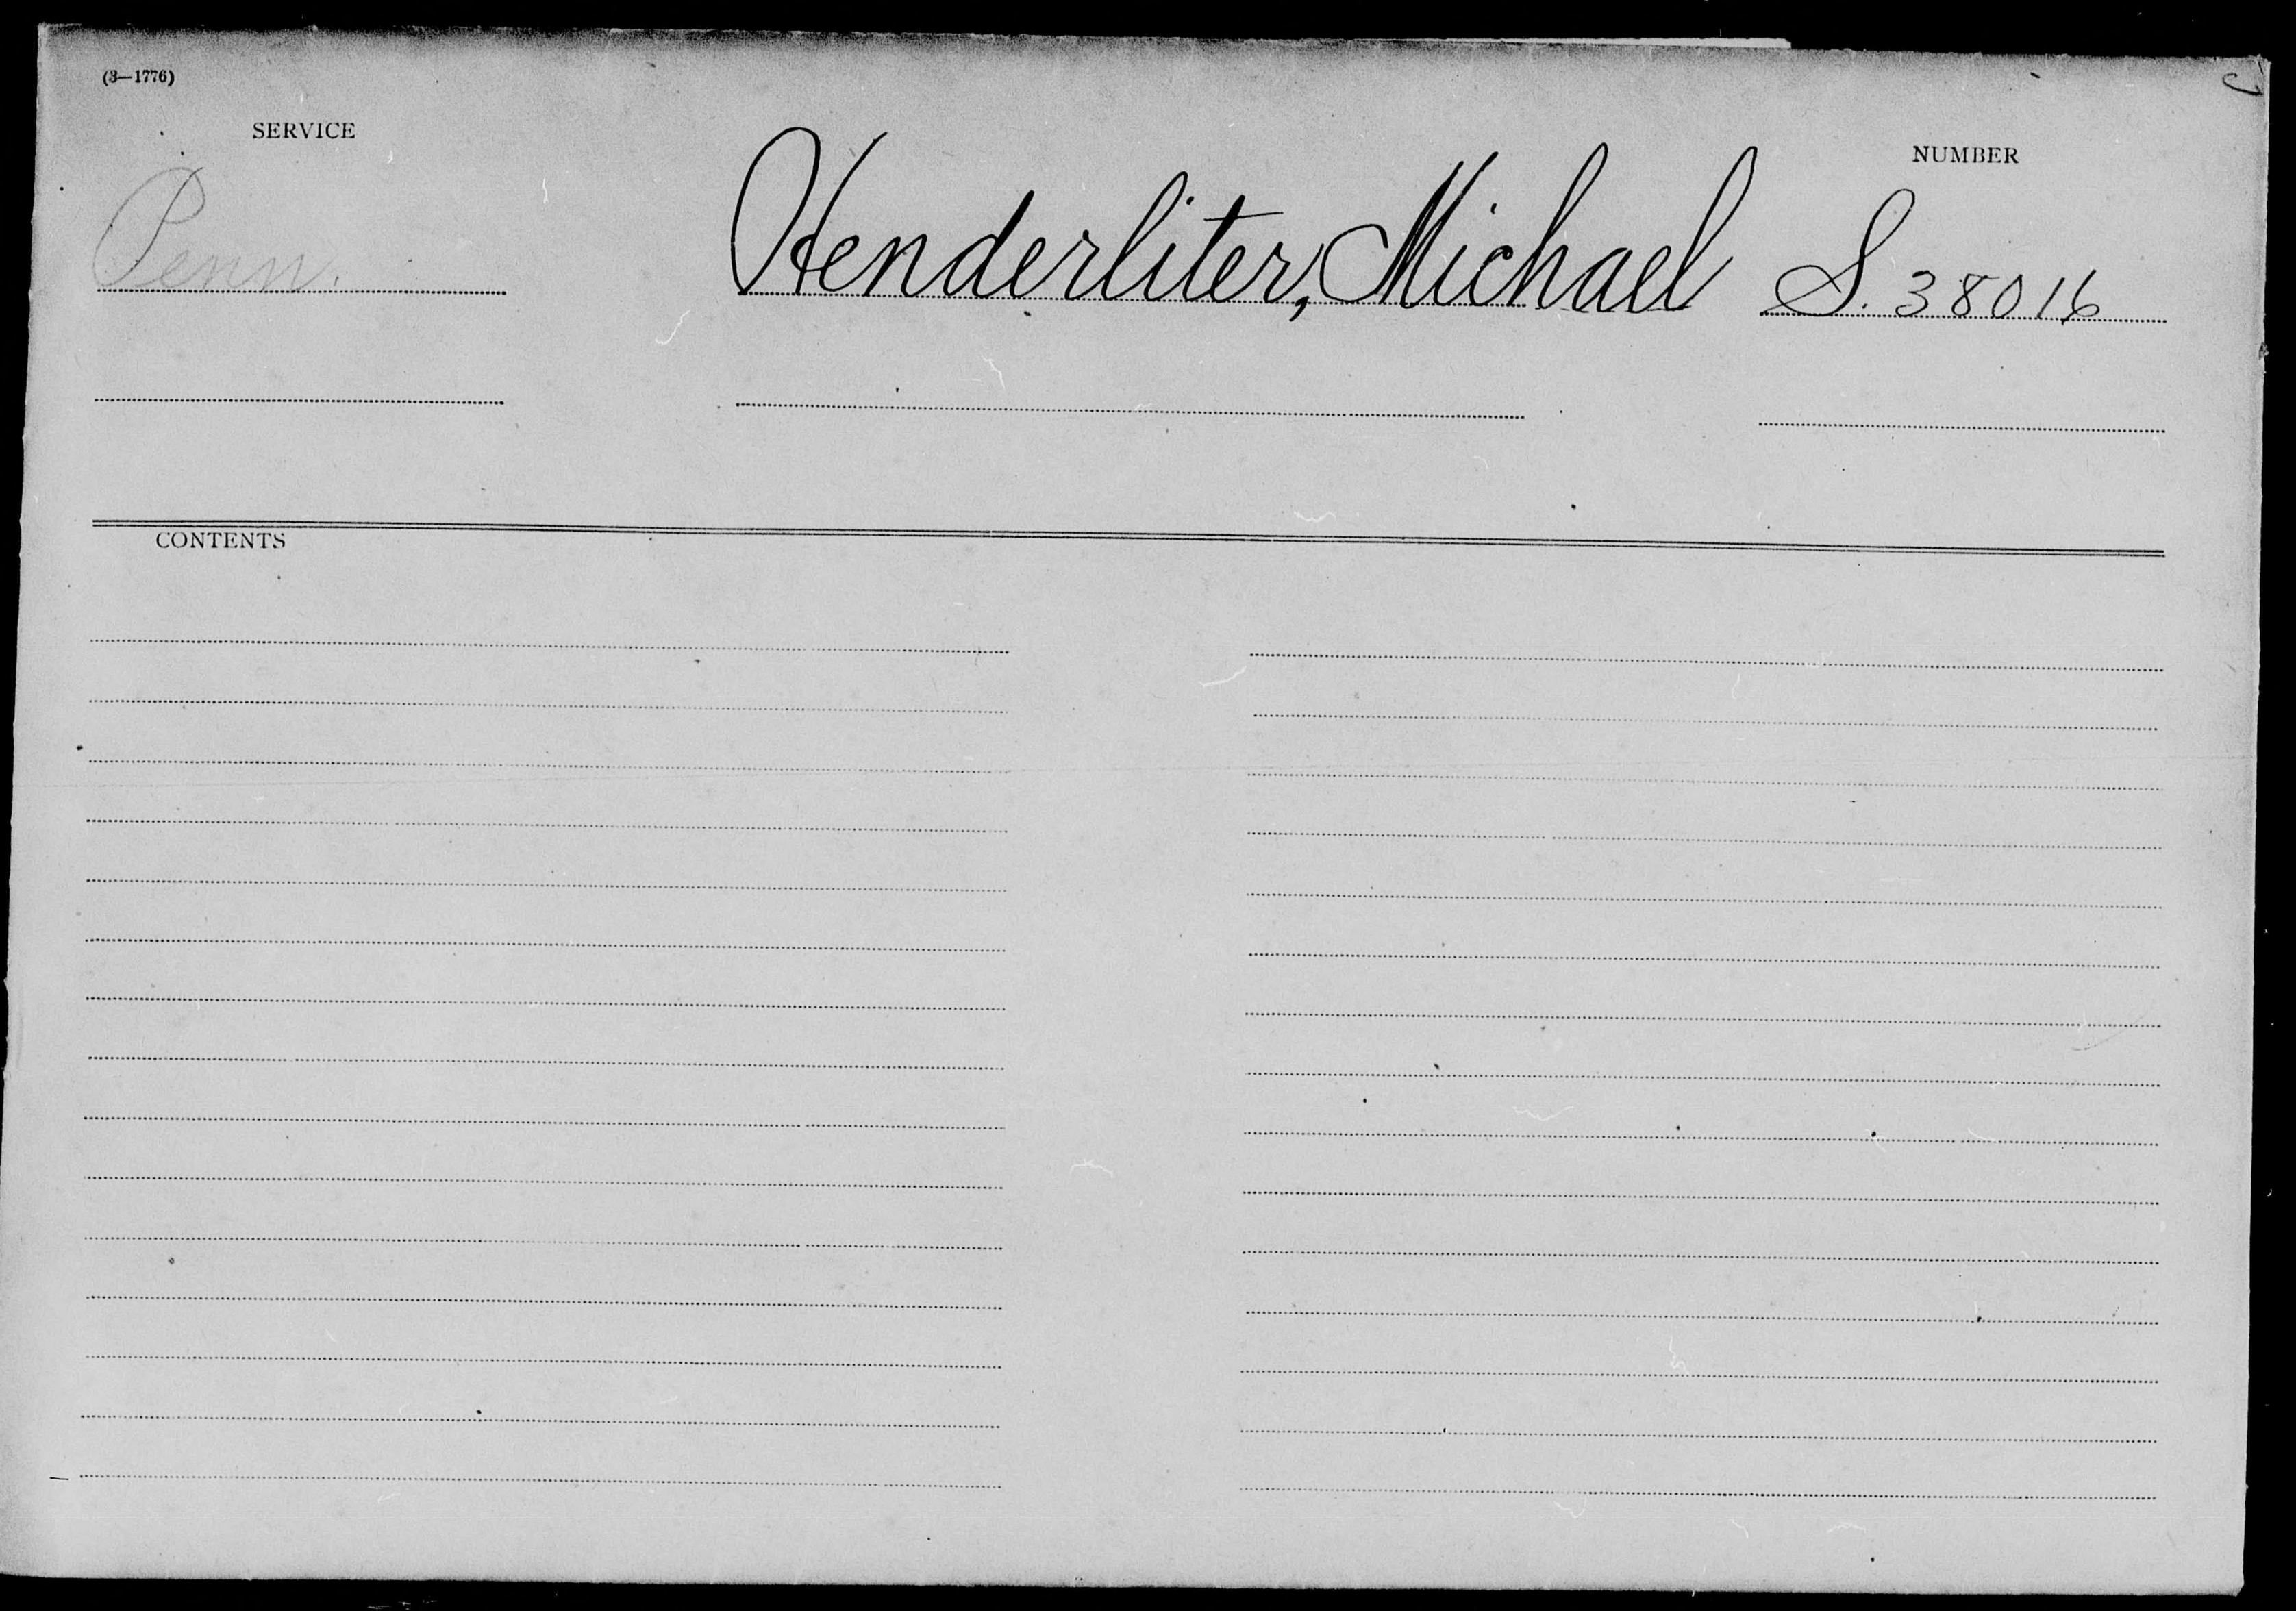(3-1776)

SERVICE

Penn.

Henderliter, Michael 

NUMBER

S. 38016
===============================
CONTENTS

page: 1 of 15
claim: survivor's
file: S. 38016, Michael Henderliter, Penn.